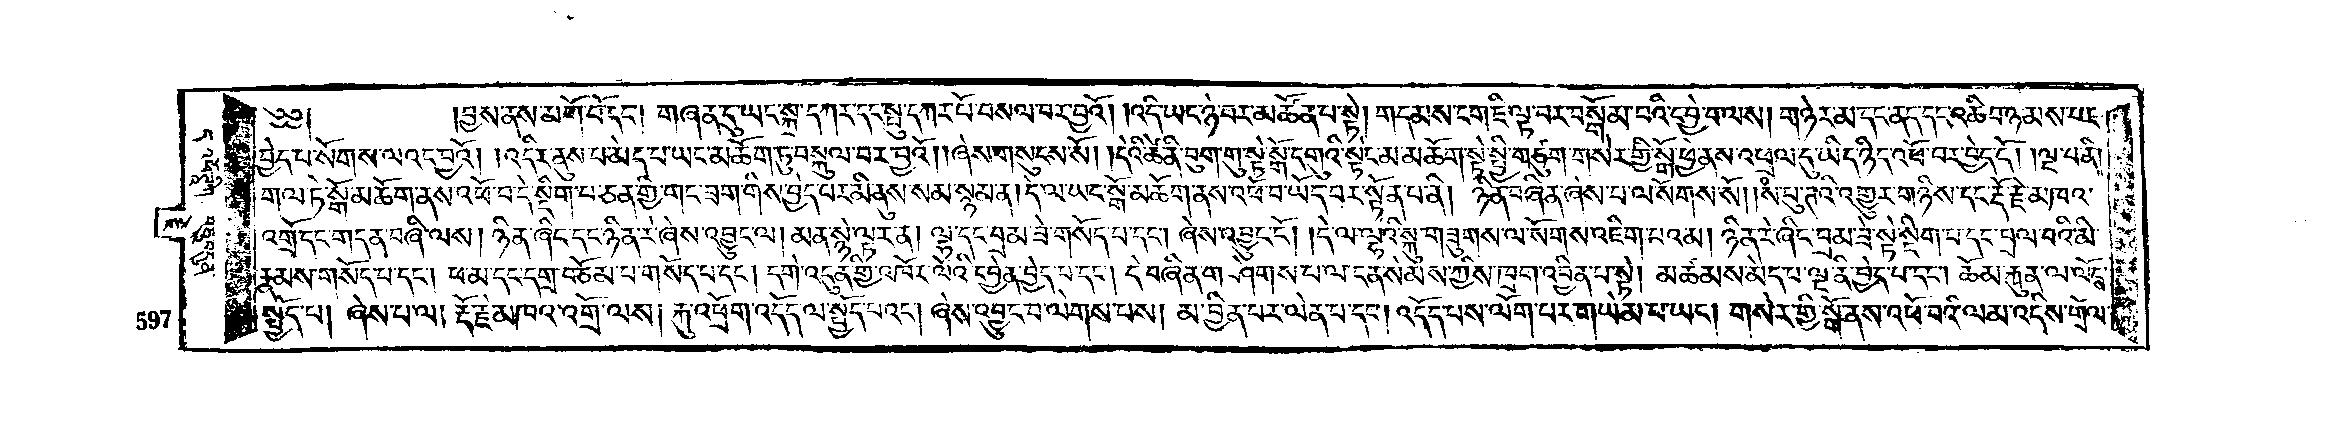༄༅། །བྱས་ནས་མགོ་བོ་དང་། གཞན་དུ་ཡང་སྐྲ་དཀར་དང་སྤུ་དཀར་པོ་བསལ་བར་བྱའོ། །འདི་ཡང་ཉེ་བར་མཚོན་པ་སྟེ། གདམས་ངག་ཇི་ལྟ་བར་བསྒོམ་པའི་དབྱེ་བ་ལས། གཉེར་མ་དང་ནད་དང་འཆི་བ་ཉམས་པར་
བྱེད་པ་སོགས་ལའང་བྱའོ། །འདིར་ནུས་པ་མེད་པ་ཡང་མཆོག་ཏུ་བསྐུལ་བར་བྱའོ། །ཞེས་གསུངས་སོ། །དེའི་ཚེ་ནི་བུག་གུ་སྟེ་སྒོ་དགུའི་སྟེང་མ་མཆོག་སྟེ་སྤྱི་གཙུག་གསེར་གྱི་སྒོ་ཕྱེ་ནས་འཕྲལ་དུ་ཡིད་ཉིད་འཕོ་བར་བྱེད་དོ། །ལྔ་པ་ནི།
གལ་ཏེ་སྒོ་མཆོག་ནས་འཕོ་བ་དེ་སྡིག་པ་ཅན་གྱི་གང་ཟག་གིས་བྱེད་པར་མི་ནུས་སམ་སྙམ་ན། དེ་ལ་ཡང་སྒོ་མཆོག་ནས་འཕོ་བ་ཡོད་པར་སྟོན་པ་ནི། ཉིན་བཞིན་ཞེས་པ་ལ་སོགས་སོ། །སཾ་པུ་ཊའི་འགྱུར་གཉིས་དང་རྡོ་རྗེ་མཁའ་
འགྲོ་དང་གདན་བཞི་ལས། ཉིན་ཞིང་དང་ཉིན་རེ་ཞེས་འབྱུང་ལ། མན་སྙེ་ལྟར་ན། ལྷ་དང་བྲམ་ཟེ་གསོད་པ་དང་། ཞེས་འབྱུང་ངོ། །དེ་ལ་ལྷའི་སྐུ་གཟུགས་ལ་སོགས་འཇིག་པའམ། ཉིན་རེ་ཞིང་བྲམ་ཟེ་སྟེ་སྡིག་པ་དང་བྲལ་བའི་མི་
རྣམས་གསོད་པ་དང་། ཕ་མ་དང་དགྲ་བཅོམ་པ་གསོད་པ་དང་། དགེ་འདུན་གྱི་འཁོར་ལོའི་དབྱེན་བྱེད་པ་དང་། དེ་བཞིན་གཤེགས་པ་ལ་ངན་སེམས་ཀྱིས་ཁྲག་འབྱིན་པ་སྟེ། མཚམས་མེད་པ་ལྔ་ནི་བྱེད་པ་དང་། ཆོམ་རྐུན་ལ་ལོངས་
སྤྱོད་པ། ཞེས་པ་ལ། རྡོ་རྗེ་མཁའ་འགྲོ་ལས། རྐུ་འཕྲོག་འདོད་ལ་སྤྱོད་པའང་། ཞེས་འབྱུང་བ་ལེགས་པས། མ་བྱིན་པར་ལེན་པ་དང་། འདོད་པས་ལོག་པར་གཡེམ་པ་ཡང་། གསེར་གྱི་སྒོ་ནས་འཕོ་བའི་ལམ་འདིས་གྲོལ་